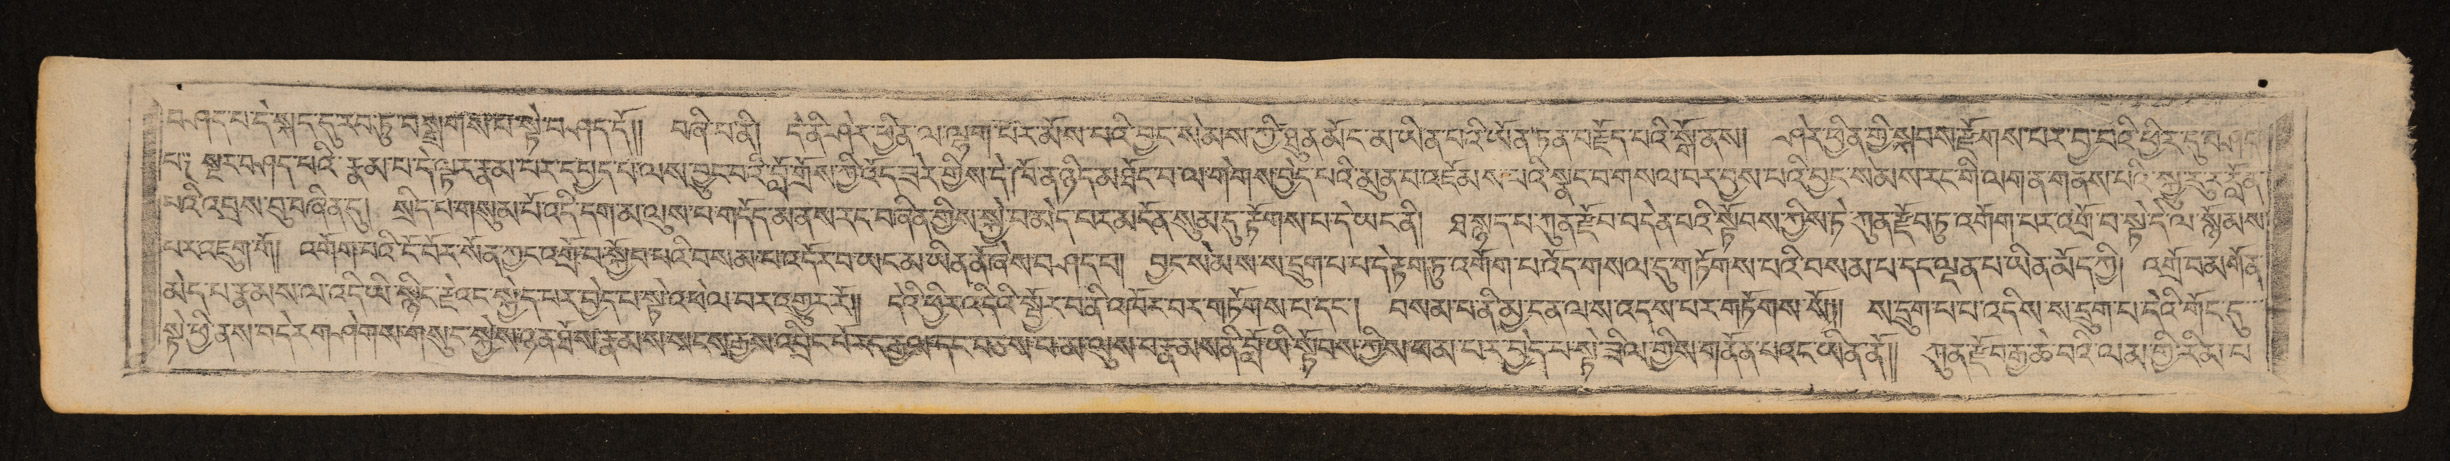བཤད་པ་དེ་སྐད་དུ་རབ་ཏུ་བསྒྲགས་པ་སྟེ་བཤད་དོ།། བཞི་པ་ནི། དེ་ནི་ཤེར་ཕྱིན་ལ་ལྷག་པར་མོས་པའི་བྱང་སེམས་ཀྱི་ཐུན་མོང་མ་ཡིན་པའི་ཡོན་ཏན་བརྗོད་པའི་སྒོ་ནས། ཤེར་ཕྱིན་གྱི་སྐབས་རྫོགས་པར་བྱ་བའི་ཕྱིར་དུ་བཤད་
པ༑ སྔར་བཤད་པའི་རྣམ་པ་དེ་ལྟར་རྣམ་པར་དཔྱད་པ་ལས་བྱུང་བའི་བློ་གྲོས་ཀྱི་འོད་ཟེར་གྱིས་དེ་ཁོ་ན་ཉིད་མཐོང་བ་ལ་གེགས་བྱེད་པའི་མུན་པ་འཇོམས་པའི་སྣང་བ་གསལ་བར་བྱས་པའི་བྱང་སེམས་རང་གི་ལག་ན་གནས་པའི་སྐྱུ་རུ་ར་རློན་
པའི་འབྲས་སུ་བཞིན་དུ། སྲིད་པ་གསུམ་པོ་འདི་དག་མ་ལུས་པ་གདོད་མ་ནས་རང་བཞིན་གྱིས་སྐྱེ་བ་མེད་པར་མངོན་སུམ་དུ་རྟོགས་པ་དེ་ཡང་ནི། ཐ་སྙད་པ་ཀུན་རྫོབ་བདེན་པའི་སྟོབས་ཀྱིས་ཏེ་ཀུན་རྫོབ་ཏུ་འགོག་པར་འགྲོ་བ་སྟེ་དེ་ལ་སྙོམས་
པར་འཇུག་གོ། འགོག་པའི་ངོ་བོར་སོན་ཀྱང་འགྲོ་བ་སྐྱོབ་པའི་བསམ་པ་འདོར་བ་ཡང་མ་ཡིན་ནོ་ཞེས་བཤད་པ། བྱང་སེམས་ས་དྲུག་པ་བ་དེ་རྟག་ཏུ་འགོག་པ་འོད་གསལ་དུ་གཏོགས་པའི་བསམ་པ་དང་ལྡན་པ་ཡིན་མོད་ཀྱི། འགྲོ་བ་མགོན་
མེད་པ་རྣམས་ལ་འདི་ཡི་སྙིང་རྗེའང་སྐྱེད་པར་བྱེད་པ་སྟེ་འཕེལ་བར་འགྱུར་རོ།། དེའི་ཕྱིར་འདིའི་སྦྱོར་བ་ནི་འཁོར་བར་གཏོགས་པ་དང་། བསམ་པ་ནི་མྱ་ངན་ལས་འདས་པར་གཏོགས་སོ།། ས་དྲུག་པ་བ་འདིས་ས་དྲུག་པ་དེའི་གོང་དུ་
སྟེ་ཕྱི་ནས་བདེར་གཤེགས་གསུང་སྐྱེས་ཉན་ཐོས་རྣམས་སངས་རྒྱས་འབྲིང་པོ་རང་རྒྱལ་དང་བཅས་པ་མ་ལུས་པ་རྣམས་ནི་བློ་ཡི་སྟོབས་ཀྱིས་ཕམ་པར་བྱེད་པ་སྟེ་ཟིལ་གྱིས་གནོན་པའང་ཡིན་ནོ།། ཀུན་རྫོབ་རྒྱ་ཆེ་བའི་ལམ་གྱི་རིམ་པ་